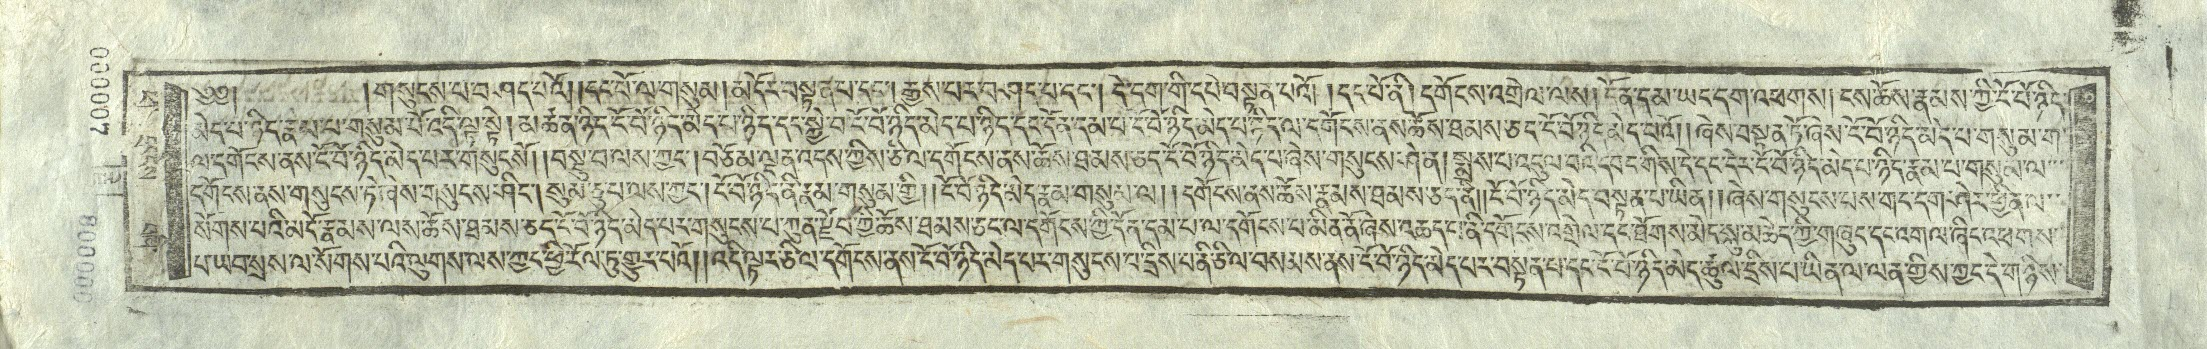༄༅། །གསུངས་པ་བཤད་པའོ། །དང་པོ་ལ་གསུམ། མདོར་བསྟན་པ་དང་། རྒྱས་པར་བཤད་པ་དང་། དེ་དག་གི་དཔེ་བསྟན་པའོ། །དང་པོ་ནི། དགོངས་འགྲེལ་ལས། དོན་དམ་ཡང་དག་འཕགས། ངས་ཆོས་རྣམས་ཀྱི་ངོ་བོ་ཉིད་
མེད་པ་ཉིད་རྣམ་པ་གསུམ་པོ་འདི་ལྟ་སྟེ། མཚན་ཉིད་ངོ་བོ་ཉིད་མེད་པ་ཉིད་དང་སྐྱེ་བ་ངོ་བོ་ཉིད་མེད་པ་ཉིད་དང་དོན་དམ་པ་ངོ་བོ་ཉིད་མེད་པ་ཉིད་ལ་དགོངས་ནས་ཆོས་ཐམས་ཅད་ངོ་བོ་ཉིད་མེད་པའོ། །ཞེས་བསྟན་ཏོ་ཞེས་ངོ་བོ་ཉིད་མེད་པ་གསུམ་ག་
ལ་དགོངས་ནས་ངོ་བོ་ཉིད་མེད་པར་གསུངས་སོ། །བསྡུ་བ་ལས་ཀྱང་། བཅོམ་ལྡན་འདས་ཀྱིས་ཅི་ལ་དགོངས་ནས་ཆོས་ཐམས་ཅད་ངོ་བོ་ཉིད་མེད་པ་ཞེས་གསུངས་ཤེ་ན། སྨྲས་པ་འདུལ་བའི་དབང་གིས་དེ་དང་དེར་ངོ་བོ་ཉིད་མེད་པ་ཉིད་རྣམ་པ་གསུམ་ལ་
དགོངས་ནས་གསུངས་ཏེ་ཞེས་གསུངས་ཤིང་། སུམ་ཅུ་པ་ལས་ཀྱང་། ངོ་བོ་ཉིད་ནི་རྣམ་གསུམ་གྱི། །ངོ་བོ་ཉིད་མེད་རྣམ་གསུམ་པ། །དགོངས་ནས་ཆོས་རྣམས་ཐམས་ཅད་ནི། །ངོ་བོ་ཉིད་མེད་བསྟན་པ་ཡིན། །ཞེས་གསུངས་པས་གང་དག་ཤེར་ཕྱིན་ལ་
སོགས་པའི་མདོ་རྣམས་ལས་ཆོས་ཐམས་ཅད་ངོ་བོ་ཉིད་མེད་པར་གསུངས་པ་ཀུན་རྫོབ་ཀྱི་ཆོས་ཐམས་ཅད་ལ་དགོངས་ཀྱི་དོན་དམ་པ་ལ་དགོངས་པ་མིན་ནོ་ཞེས་འཆད་པ་ནི་དགོངས་འགྲེལ་དང་ཐོགས་མེད་སྐུ་མཆེད་ཀྱི་གཞུང་དང་འགལ་ཞིང་འཕགས་
པ་ཡབ་སྲས་ལ་སོགས་པའི་ལུགས་ལས་ཀྱང་ཕྱི་རོལ་ཏུ་གྱུར་པའོ། །འདི་ལྟར་ཅི་ལ་དགོངས་ནས་ངོ་བོ་ཉིད་མེད་པར་གསུངས་པ་དྲིས་པ་ནི་ཅི་ལ་བསམས་ནས་ངོ་བོ་ཉིད་མེད་པར་བསྟན་པ་དང་ངོ་བོ་ཉིད་མེད་ཚུལ་དྲིས་པ་ཡིན་ལ་ལེན་གྱིས་ཀྱང་དེ་གཉིས་